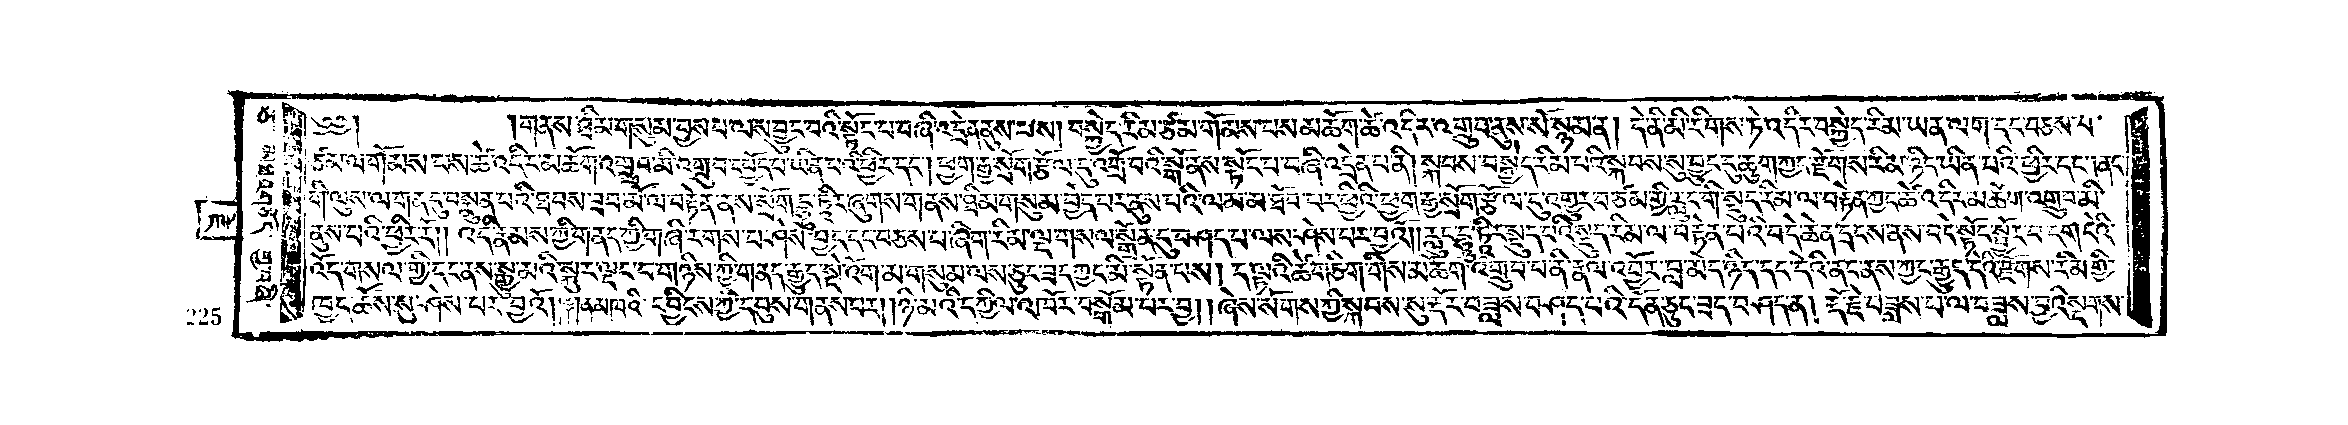༄༅། །གནས་ཐིམ་གསུམ་བྱས་པ་ལས་བྱུང་བའི་སྟོང་པ་བཞི་འདྲེན་ནུས་པས། བསྐྱེད་རིམ་ཙམ་གོམས་པས་མཆོག་ཚེ་འདིར་འགྲུབ་ནུས་སོ་སྙམ་ན། དེ་ནི་མི་རིགས་ཏེ་འདིར་བསྐྱེད་རིམ་ཡན་ལག་དང་བཅས་པ་
ཙམ་ལ་གོམས་པས་ཚེ་འདིར་མཆོག་འགྲུབ་མི་འགྲུབ་དཔྱོད་པ་ཡིན་པའི་ཕྱིར་དང་། ཕྱག་རྒྱ་སྲོག་རྩོལ་དུ་འགྲོ་བའི་སྒོ་ནས་སྟོང་པ་བཞི་འདྲེན་པ་ནི། སྐབས་བསྐྱེད་རིམ་པའི་སྐབས་སུ་བྱུང་དུ་ཆུག་ཀྱང་རྫོགས་རིམ་ཉིད་ཡིན་པའི་ཕྱིར་དང་། ནང་
གི་ལུས་ལ་གནད་དུ་བསྣུན་པའི་ཐབས་ཟབ་མོ་ལ་བརྟེན་ནས་སྲོག་དྷཱུ་ཏཱིར་ཞུགས་གནས་ཐིམ་གསུམ་བྱེད་པར་ནུས་པའི་ལམ་མ་ཐོབ་པར་ཕྱིའི་ཕྱག་རྒྱ་སྲོག་རྩོལ་དུ་འགྱུར་བ་ཙམ་གྱི་རླུང་གི་སྡུད་རིམ་ལ་བརྟེན་ཀྱང་ཚེ་འདིར་མཆོག་འགྲུབ་མི་
ནུས་པའི་ཕྱིར་རོ། །འདི་རྣམས་ཀྱི་གནད་ཀྱི་གཞི་རགས་པ་ཤེས་བྱད་དང་བཅས་པ་ཞིག་རིམ་ལྔ་གསལ་སྒྲོན་དུ་བཤད་པ་ལས་ཤེས་པར་བྱའོ། །རླུང་དྷཱུ་ཏཱིར་སྡུད་པའི་སྡུད་རིམ་ལ་བརྟེན་པའི་བདེ་ཆེན་དྲངས་ནས་བདེ་སྟོང་སྦྱོར་བ་དང་། དེའི་
འོད་གསལ་གྱི་དང་ནས་སྒྱུ་མའི་སྐུར་ལྡང་བ་གཉིས་ཀྱི་གནད་རྒྱུད་སྡེ་འོག་མ་གསུམ་ལས་ཅུང་ཟད་ཀྱང་མི་སྟོན་པས། ད་ལྟའི་ཚེ་གཅིག་གིས་མཆོག་འགྲུབ་པ་ནི་རྣལ་འབྱོར་བླ་མེད་ཉིད་དང་དེའི་ནང་ནས་ཀྱང་རྒྱུད་དེའི་རྫོགས་རིམ་གྱི་
ཁྱད་ཆོས་སུ་ཤེས་པར་བྱའོ།། ༈ །།ནམ་མཁའི་དབྱིངས་ཀྱི་དབུས་གནས་པར། །ཉི་མའི་དཀྱིལ་འཁོར་བསྒོམ་པར་བྱ། །ཞེས་སོགས་ཀྱི་སྐབས་སུ་རྡོར་བཟླས་བཤད་པའི་དོན་ཅུང་ཟད་བཤད་ན། རྡོ་རྗེ་བཟླས་པ་ལ་བཟླས་བྱའི་སྔགས་